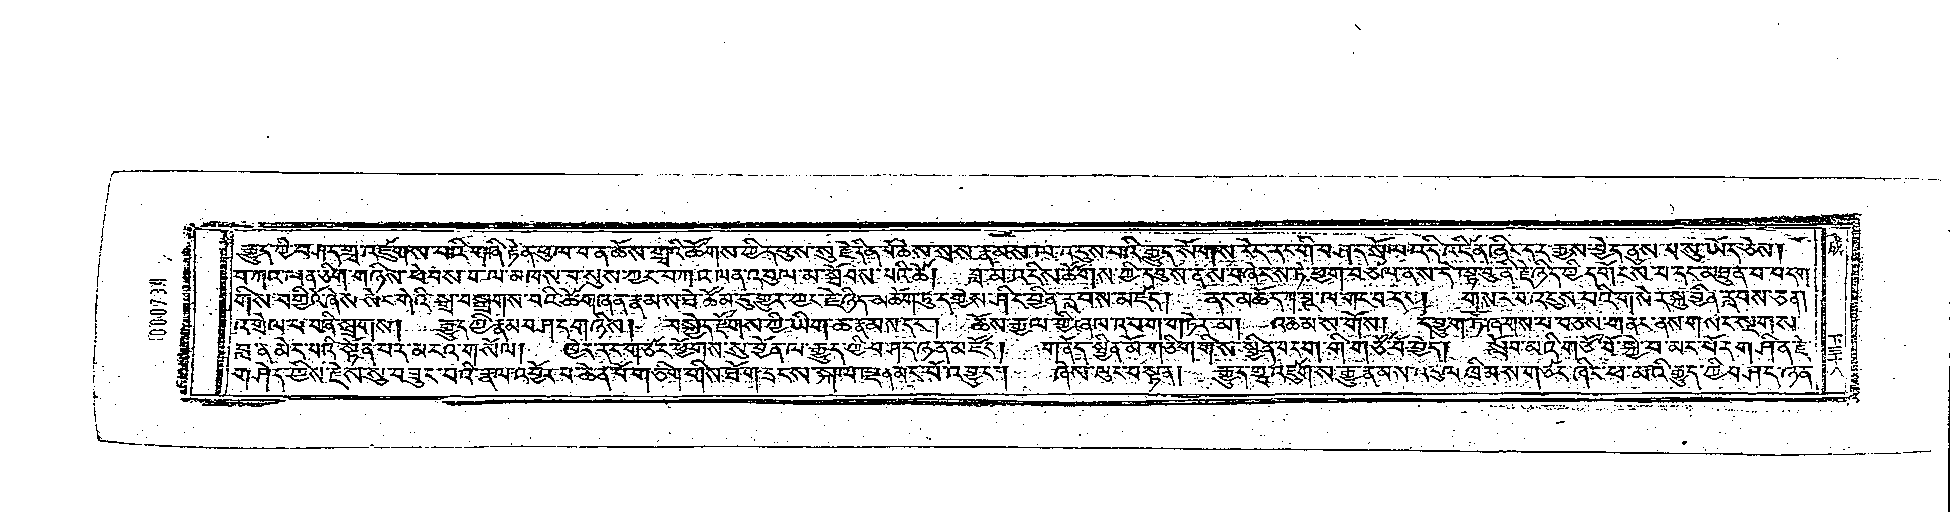རྒྱུད་ཀྱི་བཤད་གྲྭ་འཛུགས་པའི་གཞི་རྟེན་ཕུལ་བ་ན་ཆོས་གྲྭའི་ཚོགས་ཀྱི་དབུས་སུ་རྗེ་རིན་པོ་ཆེས་སྲས་རྣམས་ལ་འདུས་པའི་རྒྱུད་སོགས་ངེད་རང་གི་བཤད་སྲོལ་འདི་འཛིན་ཞིང་དར་རྒྱས་བྱེད་ནུས་པ་སུ་ཡོད་ཅེས།
བཀའ་ལན་ཅིག་གཉིས་ཕེབས་བ་ལ་མཁས་པ་སུས་ཀྱང་བཀའ་ལན་འབུལ་མ་སྤོབས་པའི་ཚེ། བླ་མ་འདིས་ཚོགས་ཀྱི་དབུས་ནས་བཞེངས་ཏེ་ཕྱག་བཙལ་ནས་དེ་ལྟ་བུ་ནི་རྗེ་ཉིད་ཀྱི་དགོངས་པ་དང་མཐུན་པ་བདག་
གིས་བགྱིའོ་ཞེས་སེང་གེའི་སྒྲ་བསྒྲགས་བའི་ཚེ་གཞན་རྣམས་ཐེ་ཚོམ་དུ་གྱུར་ཀྱང་རྗེ་ཉིད་མཆོག་ཏུ་དགྱེས་ཤིང་བྱིན་རླབས་མཛད། ནང་མཆོད་ཀ་པཱ་ལ་གང་བ་དང་། གསང་བ་འདུས་པའི་གསེར་སྐུ་བྱིན་རླབས་ཅན།
འགྲེལ་པ་བཞི་སྦྲགས། རྒྱུད་ཀྱི་རྣམ་བཤད་གཉིས། བསྐྱེད་རྫོགས་ཀྱི་ཡིག་ཆ་རྣམས་དང་། ཆོས་རྒྱལ་གྱི་ཞལ་འབག་གཏེར་མ། འཆམས་གོས། དབྱུག་ཏོ་ཞགས་པ་བཅས་གནང་ནས་གསང་སྔགས་
བླ་ན་མེད་པའི་སྟོན་པར་མངའ་གསོལ། ཁྱེད་རང་གཙང་ཕྱོགས་སུ་བྱོན་ལ་རྒྱུད་ཀྱི་བཤད་ཉན་མཛོད། གནོད་སྦྱིན་མོ་གཅིག་གིས་སྦྱིན་བདག་གི་གཙོ་བོ་བྱེད། སློབ་མའི་གཙོ་བོ་སྐྱེ་བ་མང་པོར་གཤིན་རྗེ་
གཤེད་ཀྱིས་རྗེས་སུ་བཟུང་བའི་རྣལ་འབྱོར་པ་ཆེན་པོ་གཅིག་གིས་ཐོག་དྲངས་སྐལ་ལྡན་མང་པོ་འབྱུང་། ཞེས་ལུང་བསྟན། རྒྱུད་གྲྭ་འཛུགས་རྒྱུ་རྣམས་འདུལ་ཁྲིམས་གཙང་ཞིང་ཕ་མའི་རྒྱུད་ཀྱི་བཤད་ཉན་